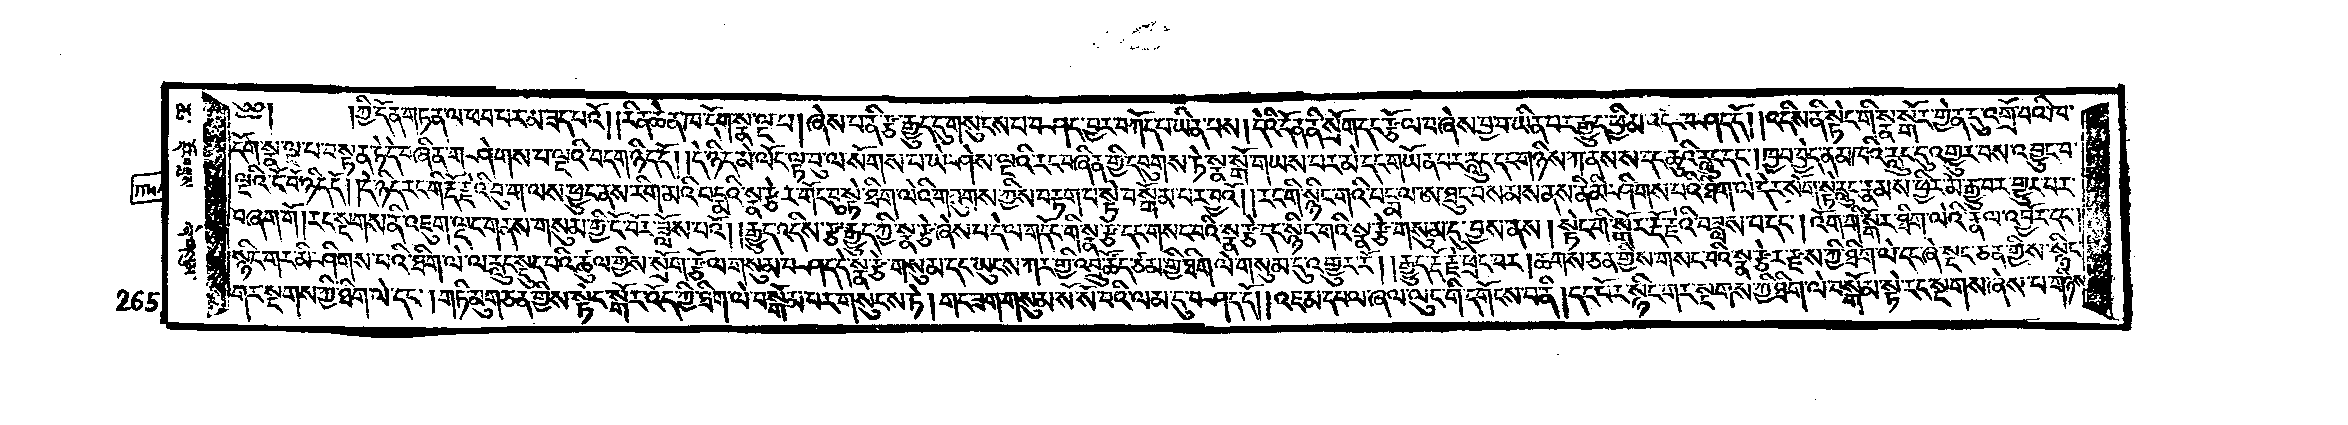༄༅། །ཀྱི་དོན་གཏན་ལ་ཕབ་པར་མ་ཟད་པའོ། །རིན་ཆེན་ཁ་དོག་སྣ་ལྔ་པ། ཞེས་པ་ནི་རྩ་རྒྱུད་དུ་གསུངས་པ་བཤད་བྱར་བཀོད་པ་ཡིན་པས། དེའི་དོན་ནི་སྲོག་དང་རྩོལ་བ་ཞེས་བྱ་བ་ཡིན་པར་རྒྱུད་ཕྱི་མ་འདིར་བཤད་དོ། །འདིས་ནི་སྟེང་གི་སྣ་སྒོར་གྱེན་དུ་འགྲོ་བའི་ཁ་
དོག་སྣ་ལྔ་པ་བསྟན་ཏེ་དེ་བཞིན་གཤེགས་པ་ལྔའི་བདག་ཉིད་དོ། །དེ་ཉིད་མེ་ལོང་ལྟ་བུ་ལ་སོགས་པ་ཡེ་ཤེས་ལྔའི་རང་བཞིན་གྱི་དབུགས་ཏེ་སྣ་སྒོ་གཡས་པར་མེ་དང་གཡོན་པར་རླུང་དང་གཉིས་ཀ་ནས་ས་དང་ཆུའི་རླུང་དང་། ཁྱབ་བྱེད་ནམ་མཁའི་རླུང་དུ་འགྱུར་བས་འབྱུང་བ་
ལྔའི་ངོ་བོ་ཉིད་དོ། །དེ་ཉིད་རང་གི་རྡོ་རྗེའི་བུ་ག་ལས་ཕྱུང་ནས་རིག་མའི་པདམའི་སྣ་རྩེར་གོང་བུ་སྟེ་ཐིག་ལེའི་གཟུགས་ཀྱིས་བརྟག་པ་སྟེ་བསྒོམ་པར་བྱའོ། །རང་གི་སྙིང་གའི་པདམ་ལ་ཨ་ཐུང་བསམས་ནས་ནི་མི་ཤིགས་པའི་ཐིག་ལེ་དེར་སྲོག་སྟེ་རླུང་རྣམས་ཕྱིར་མེ་རྒྱུ་བར་གྱུར་པར་
བཞག་གོ །རང་སྔགས་ནི་འཇུག་ལྡང་གནས་གསུམ་གྱི་ངོ་བོར་ཟློས་པའོ། །རྒྱུད་འདིས་རྩ་རྒྱུད་ཀྱི་སྣ་རྩེ་ཞེས་པ་དེ་ལ་གདོང་གི་སྣ་རྩེ་དང་གསང་བའི་སྣ་རྩེ་དང་སྙིང་གའི་སྣ་རྩེ་གསུམ་དུ་བྱས་ནས། སྟེང་གི་སྒོར་རྡོ་རྗེའི་བཟླས་པ་དང་། འོག་གི་སྒོར་ཐིག་ལེའི་རྣལ་འབྱོར་དང་།
སྙིང་གར་མི་ཤིགས་པའི་ཐིག་ལེ་ལ་རླུང་སྡུད་པའི་ཚུལ་གྱིས་སྲོག་རྩོལ་གསུམ་བཤད་དེ་སྣ་རྩེ་གསུམ་དང་ཡུངས་ཀར་གྱི་འབྲུ་ཚོད་ཙམ་གྱི་ཐིག་ལེ་གསུམ་དུ་འགྱུར་རོ། །རྒྱུད་རྡོ་རྗེ་ཕྲེང་བར། ཆགས་ཅན་གྱིས་གསང་བའི་སྣ་རྩེར་རྫས་ཀྱི་ཐིག་ལེ་དང་ཞེ་སྡང་ཅན་གྱིས་སྙིང་
གར་སྔགས་ཀྱི་ཐིག་ལེ་དང་། གཏི་མུག་ཅན་གྱིས་སྟེང་སྒོར་འོད་ཀྱི་ཐིག་ལེ་བསྒོམ་པར་གསུངས་ཏེ། གང་ཟག་གསུམ་སོ་སོ་བའི་ལམ་དུ་བཤད་དོ། །འཇམ་དཔལ་ཞལ་ལུང་གི་དགོངས་པ་ནི། དང་པོར་སྙིང་གར་སྔགས་ཀྱི་ཐིག་ལེ་བསྒོམ་སྟེ་རང་སྔགས་ཞེས་པ་གཉིས་